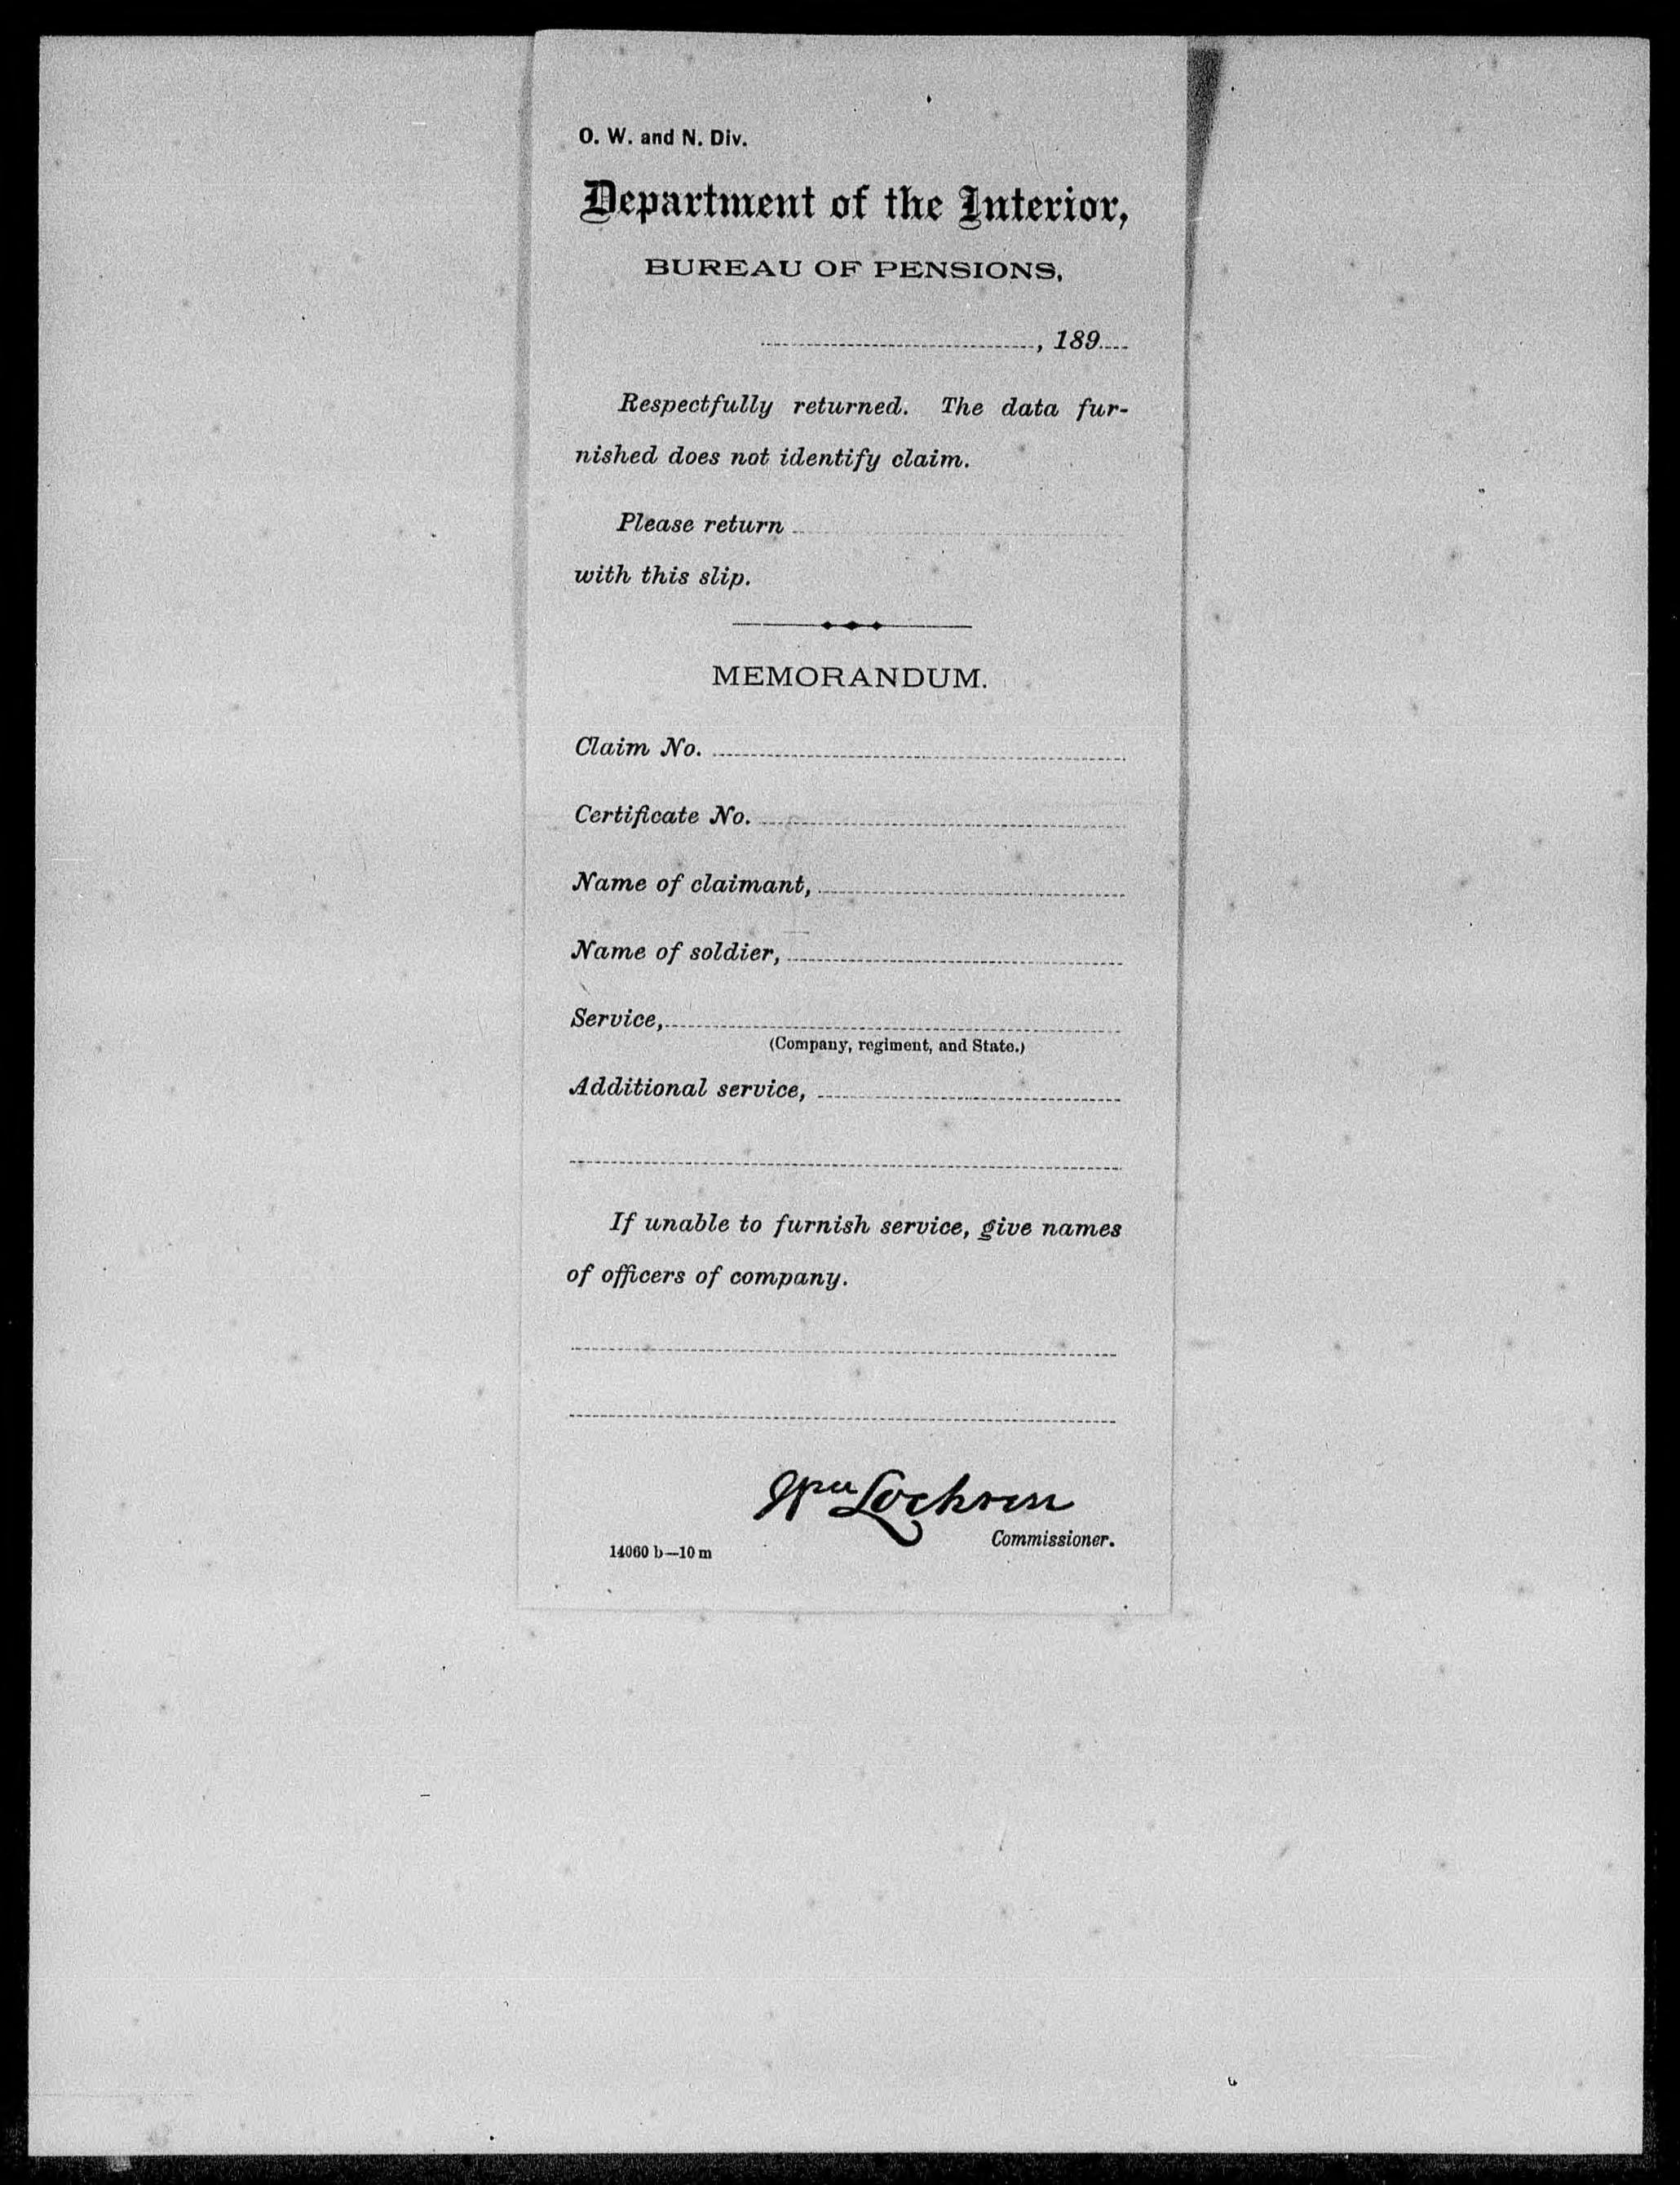O.W. and N. Div.  
Department of the Interior,  
BUREAU OF PENSIONS,  
189.  
Respectfully returned. The data furnished  
does not identify claim.  
Please return  with this slip.  
MEMORANDUM. 
Claim No.  
Certificate No.  
Name of claimant,  
Name of soldier,  
(Company, regiment, and State.)  
Service, 
Additional service, 

If unable to furnish service, give names  of officers of company.   

JP Lochorse  14060 b-10m Commissioner.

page: 83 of 93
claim: widow's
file: W. 21792, for Thomas Mc Clurken, South Carolina